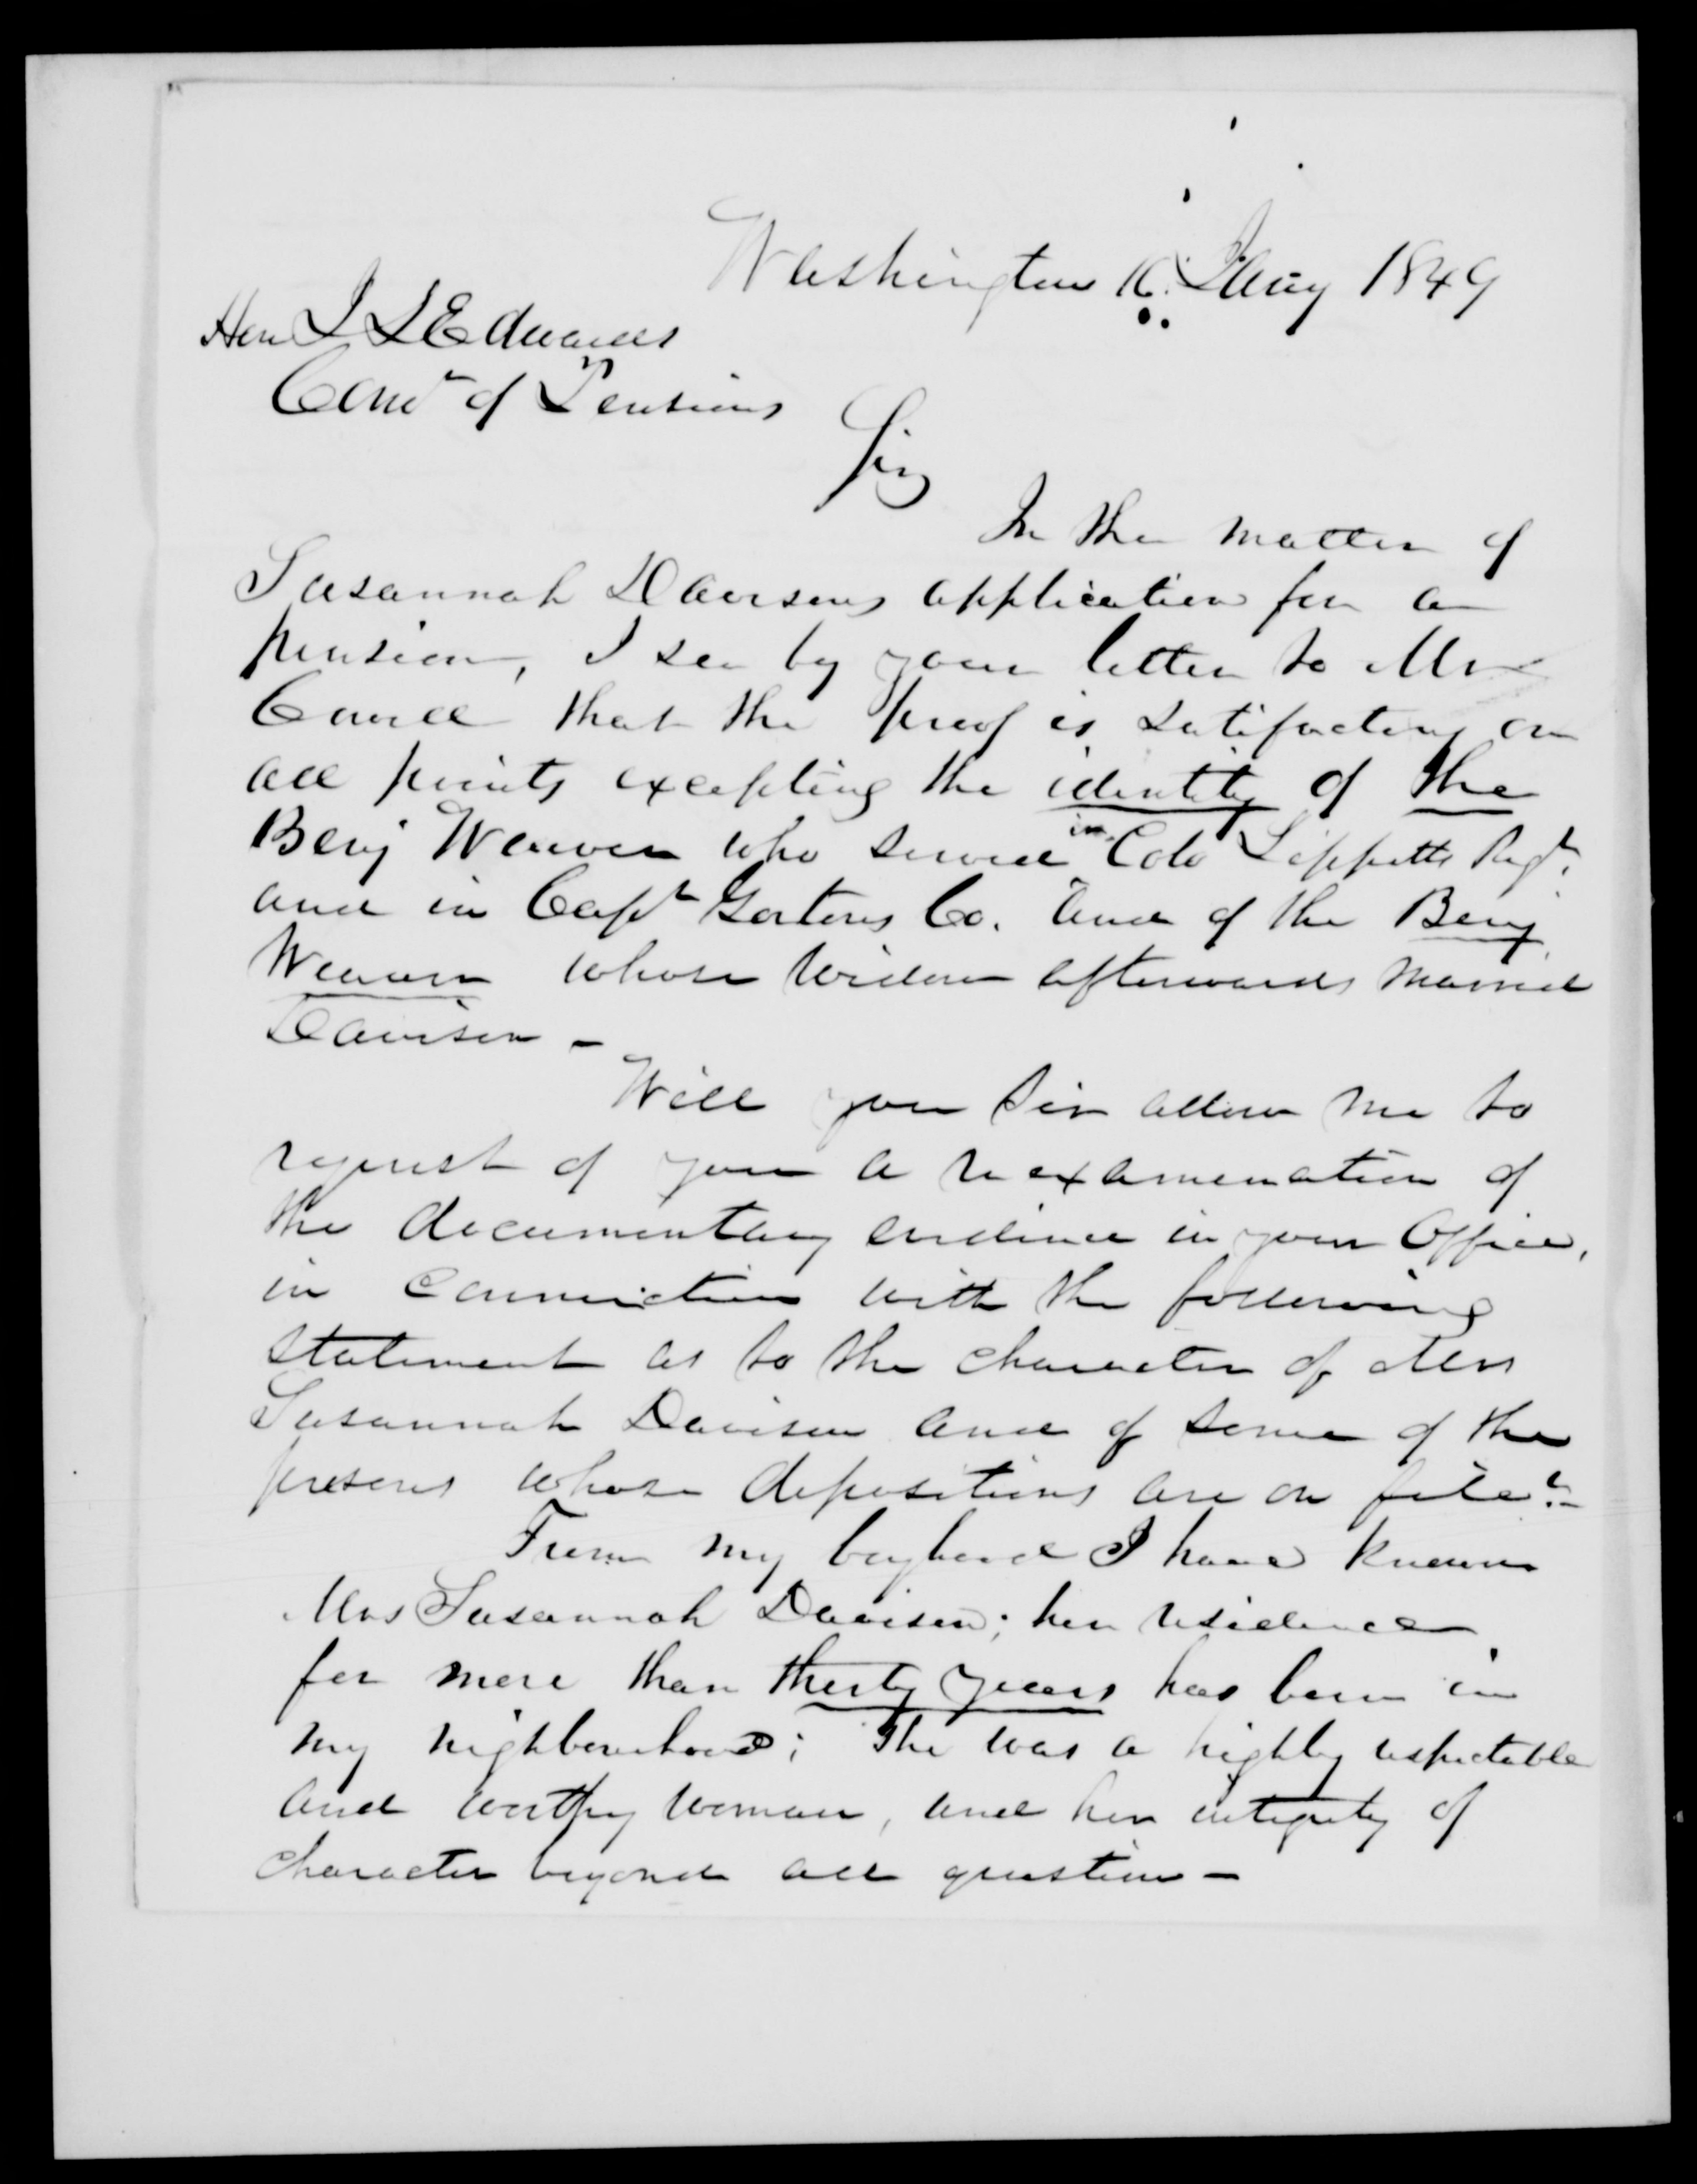Washington 10 May 1849

Hon J L Edward’s
Court of Pensions

Sir

In the matter of Susannah Davison application for a pension, I see by your letter to Mr Gunell[?] that the brief is satisfactory on all points excepting the identity of the Benj Weaver who served Colo Lippitts Reg’t. in Capt Gortons Co. and of the Benj Weaver whose widow afterwards married Davison-
Will you Sir allow me to request of you a reexamination of the documentary evidence in your office in connection with the following statement as to the character of Mrs. Susannah Davison and of same of the persons who depositions are on file.
From my boyhood I have known Mrs Susannah Davison; her residence for more that thirty years has been in my neighborhood; she was a highly respectable and worthy woman, and her integrity of character beyond all question-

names: Cowell, J L Edwards, Susannah Davison, Benj Weaver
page: 17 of 53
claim: widow's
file: W 17707, Benjamin Weaver, R.I.